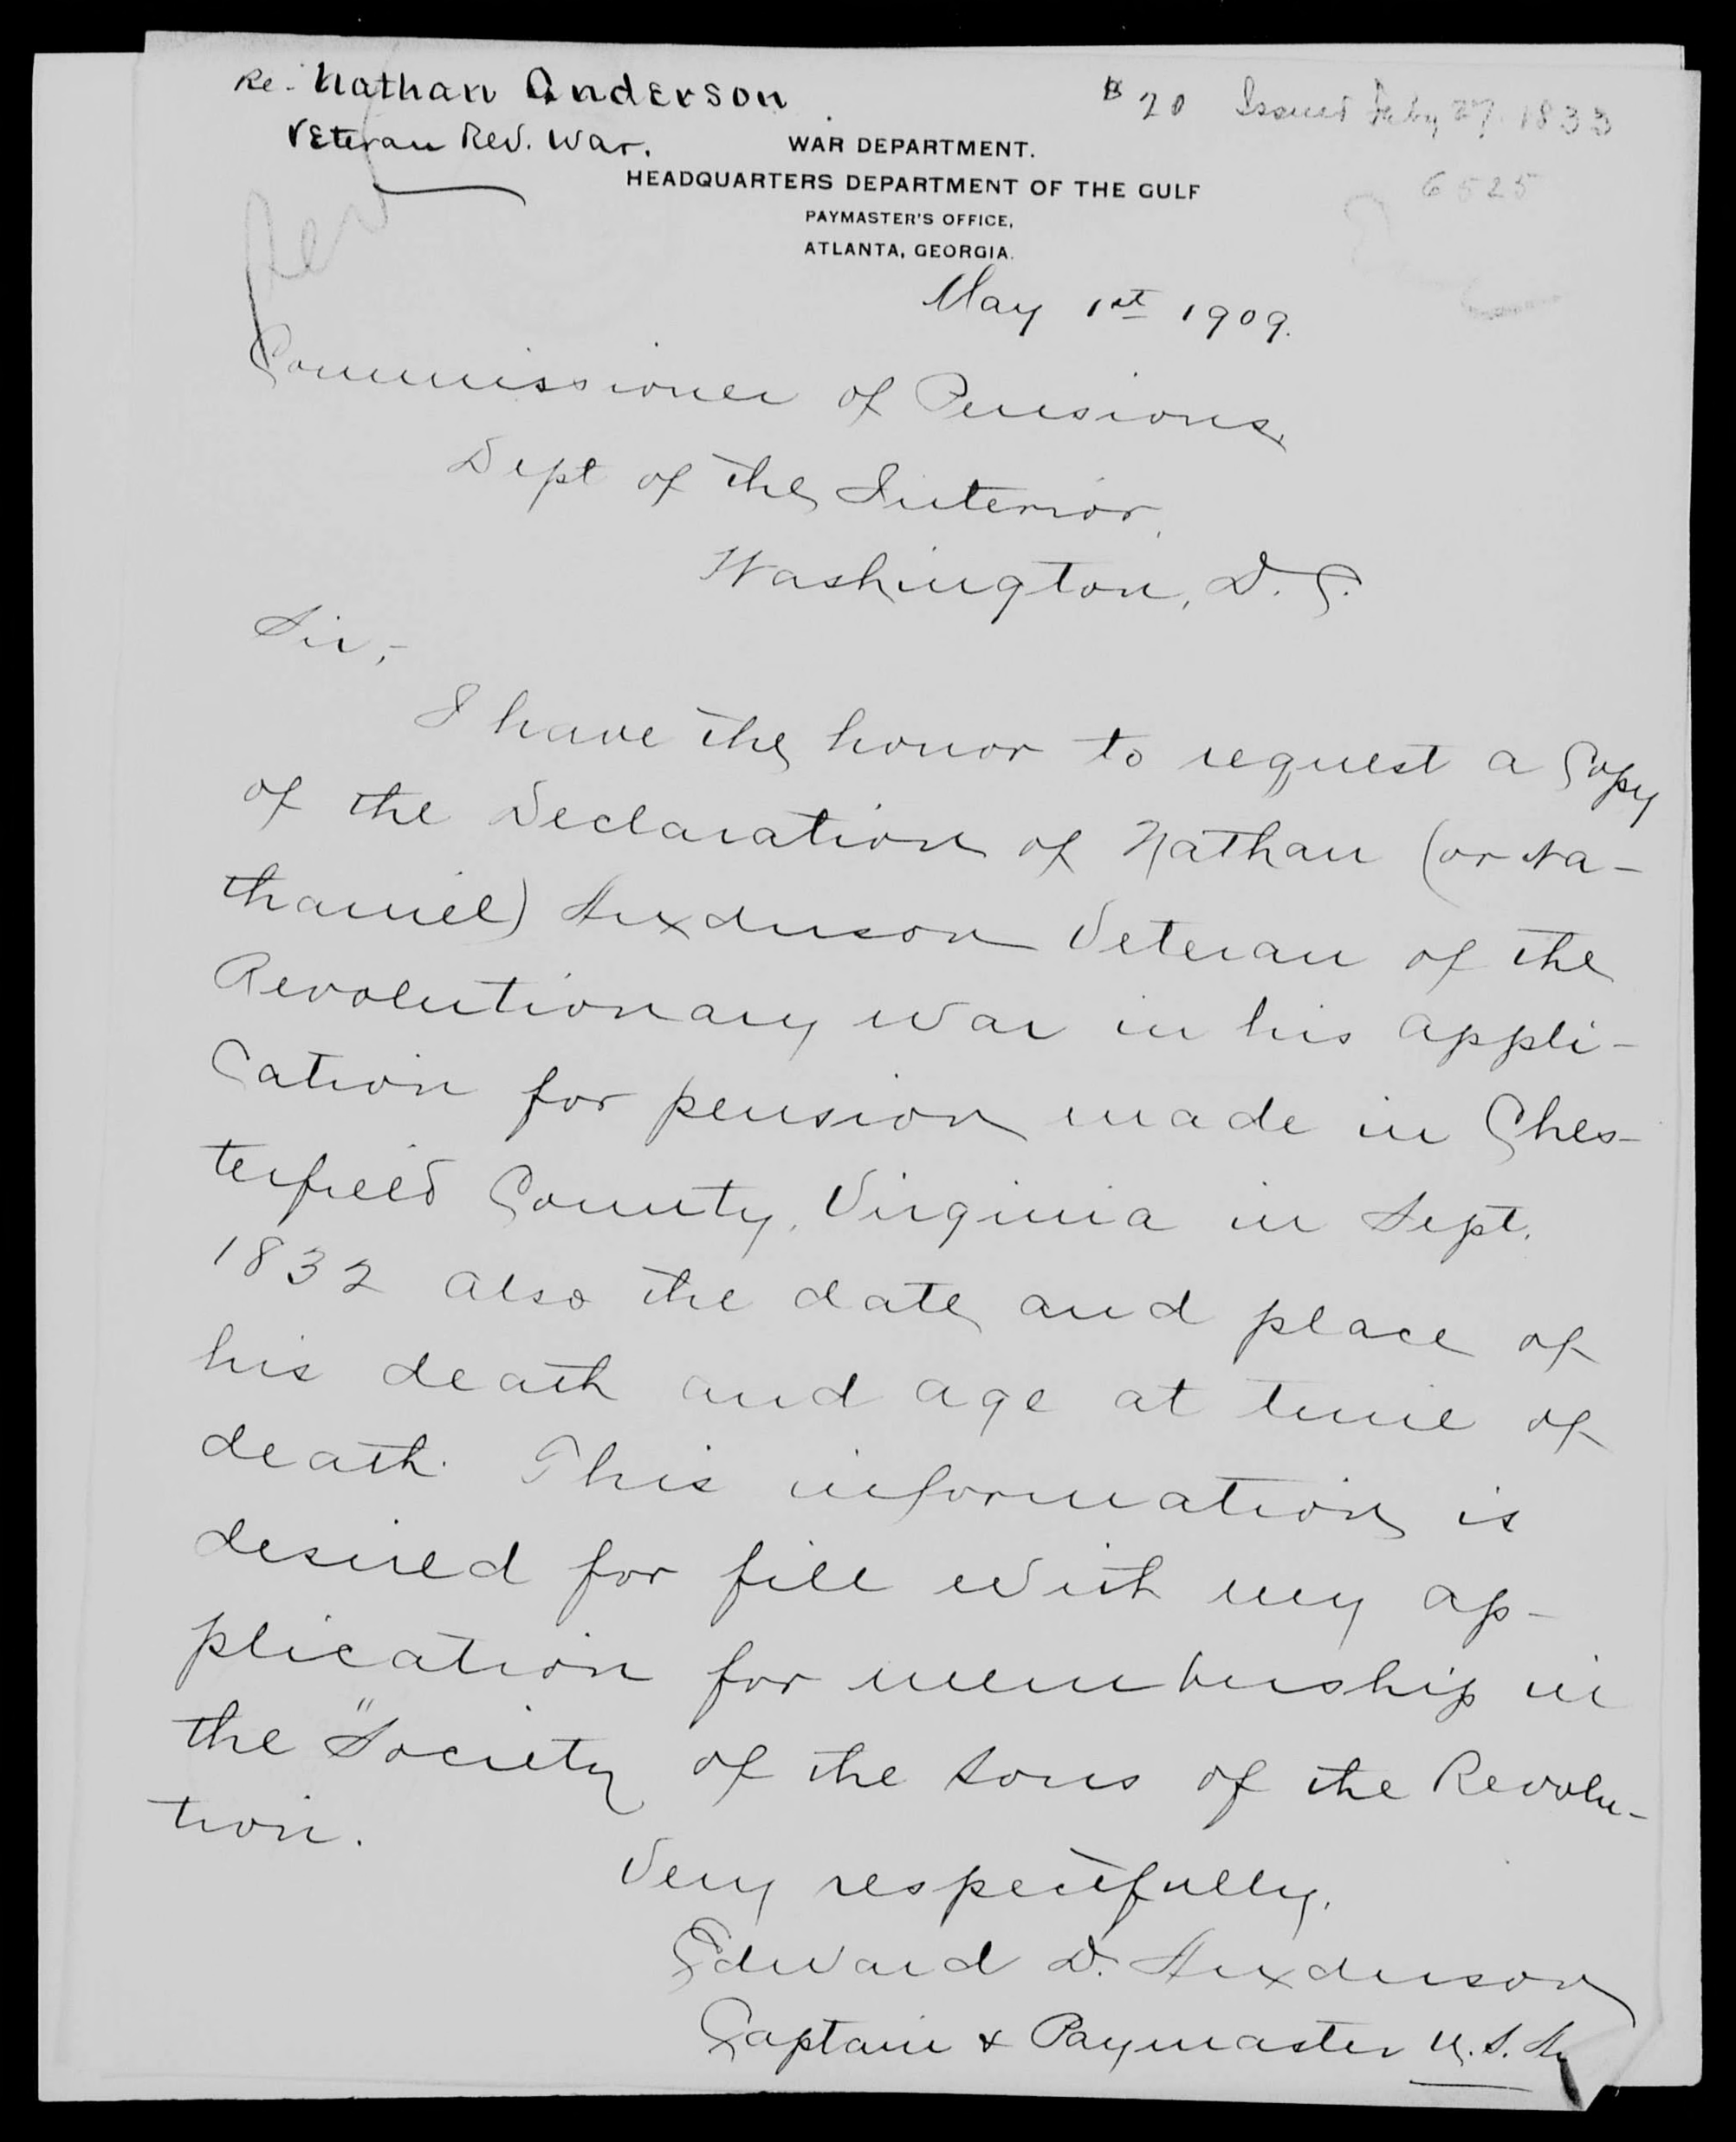Re: Nathan Anderson
Veteran Rev. War.
$20 Issued Feby 27. 1833
6525
Enc

WAR DEPARTMENT.
HEADQUARTERS DEPARTMENT OF THE GULF
PAYMASTER'S OFFICE.
ATLANTA, GEORGIA.
May 1st 1909.

Commissioner of Pensions.
Dept of the Interior.
Washington, D.C.
Sir:
I have the honor to request a copy of the Declaration of Nathan (or Nathaniel) Anderson Veteran of the Revolutionary War in his Application for pension made in Chesterfield County, Virginia in Sept. 1832  Also the date and place of his death and age at time of death.  This information is desired for fill with my application for membership in the "Society of the Sons of the Revolution.
Very respectfully,
Edward D. Anderson
Captain & Paymaster U.S.N.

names: Edward D Anderson, Nathan Anderson, Nathaniel Anderson, Nathan Anderson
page: 38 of 43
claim: widow's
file: W. 5,626, Nathan Anderson, Va.